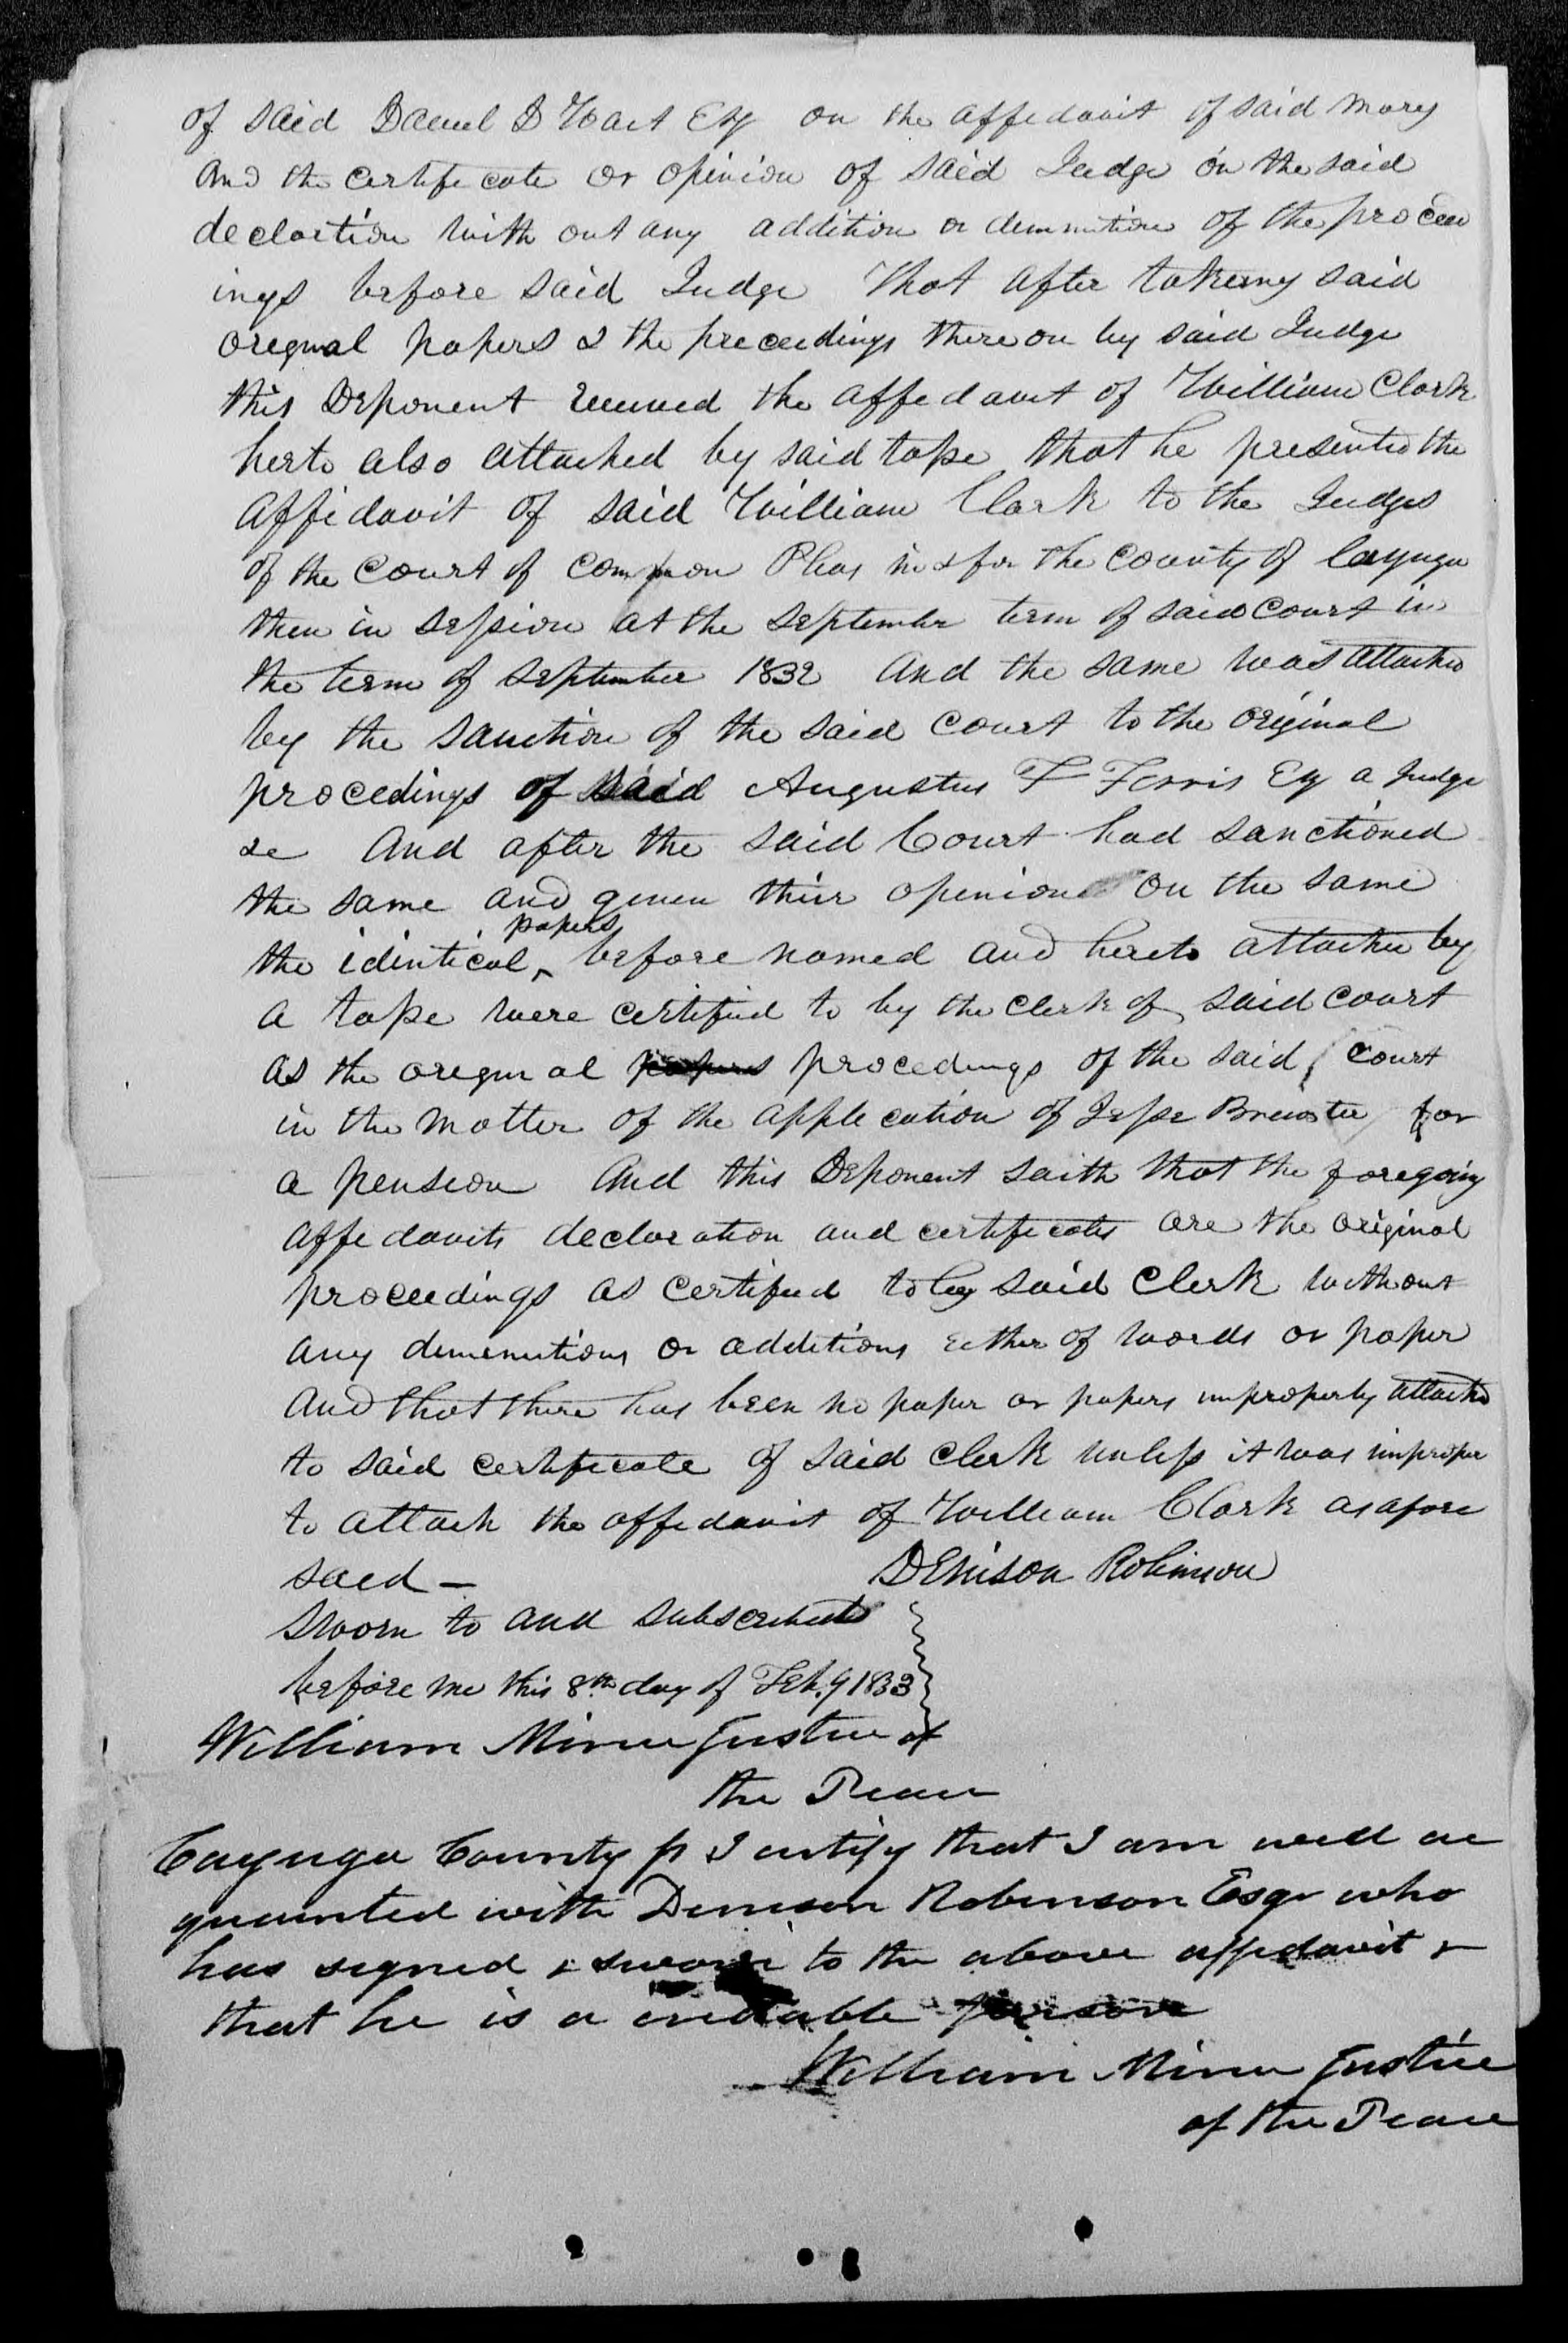of said David D Wait esq on the affidavit of said Mary and the certificate or opinion of said Judge on the said declaration without any addition or diminution of the proeedings before said Judge that after taking said original papers + the preceeding thereon by said Judge this deponent received the affidavit of William Clark herto (sic) also attached by said tape that he presented the affidavit of said William Clark to the judges of the court of common pleas in + for the county of Cayuga then in session at the September term of said court in the term of September 1832 and the same was attached by the sanction of the said court to the original procedings of said Augustus F Ferris esq a Judge And after the said court had sanctioned the same and given their opinion on the same the identical papers before named and hereto attached by a tape were certified to by the clerk of said court in the matter of the application of Judge Brewster for a pension and this deponent saith that the foregoing affidavits declaration and certificates are the original proceedings as certified to by said clerk withour any diminution or additions either of words or paper and that there has been no paper or papers improperly attached to said certificate of said clerk until it was improper to attach the affidavit of William Clark as aforesaid  Denison Robinson
Sworn to and subscribed before me this 8th day of Feb 9 1832 
William Minor Justice of the Peace
Cayuga County I certify that I am well acquainted with Denison Robinson Esq who has signed + sworn to the above affidavit + that he is a credable person
William Minor Justice of the Peace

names: William Clark, Denison Robinson, Clerk, Denison Robinson, William Clark, Mary, William Clark, William Miner, Augustus F Ferris, William Miner, Daniel D Wait, Jesse Brewster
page: 11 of 26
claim: survivor's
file: S. 12,291, Jesse Brewster, New York